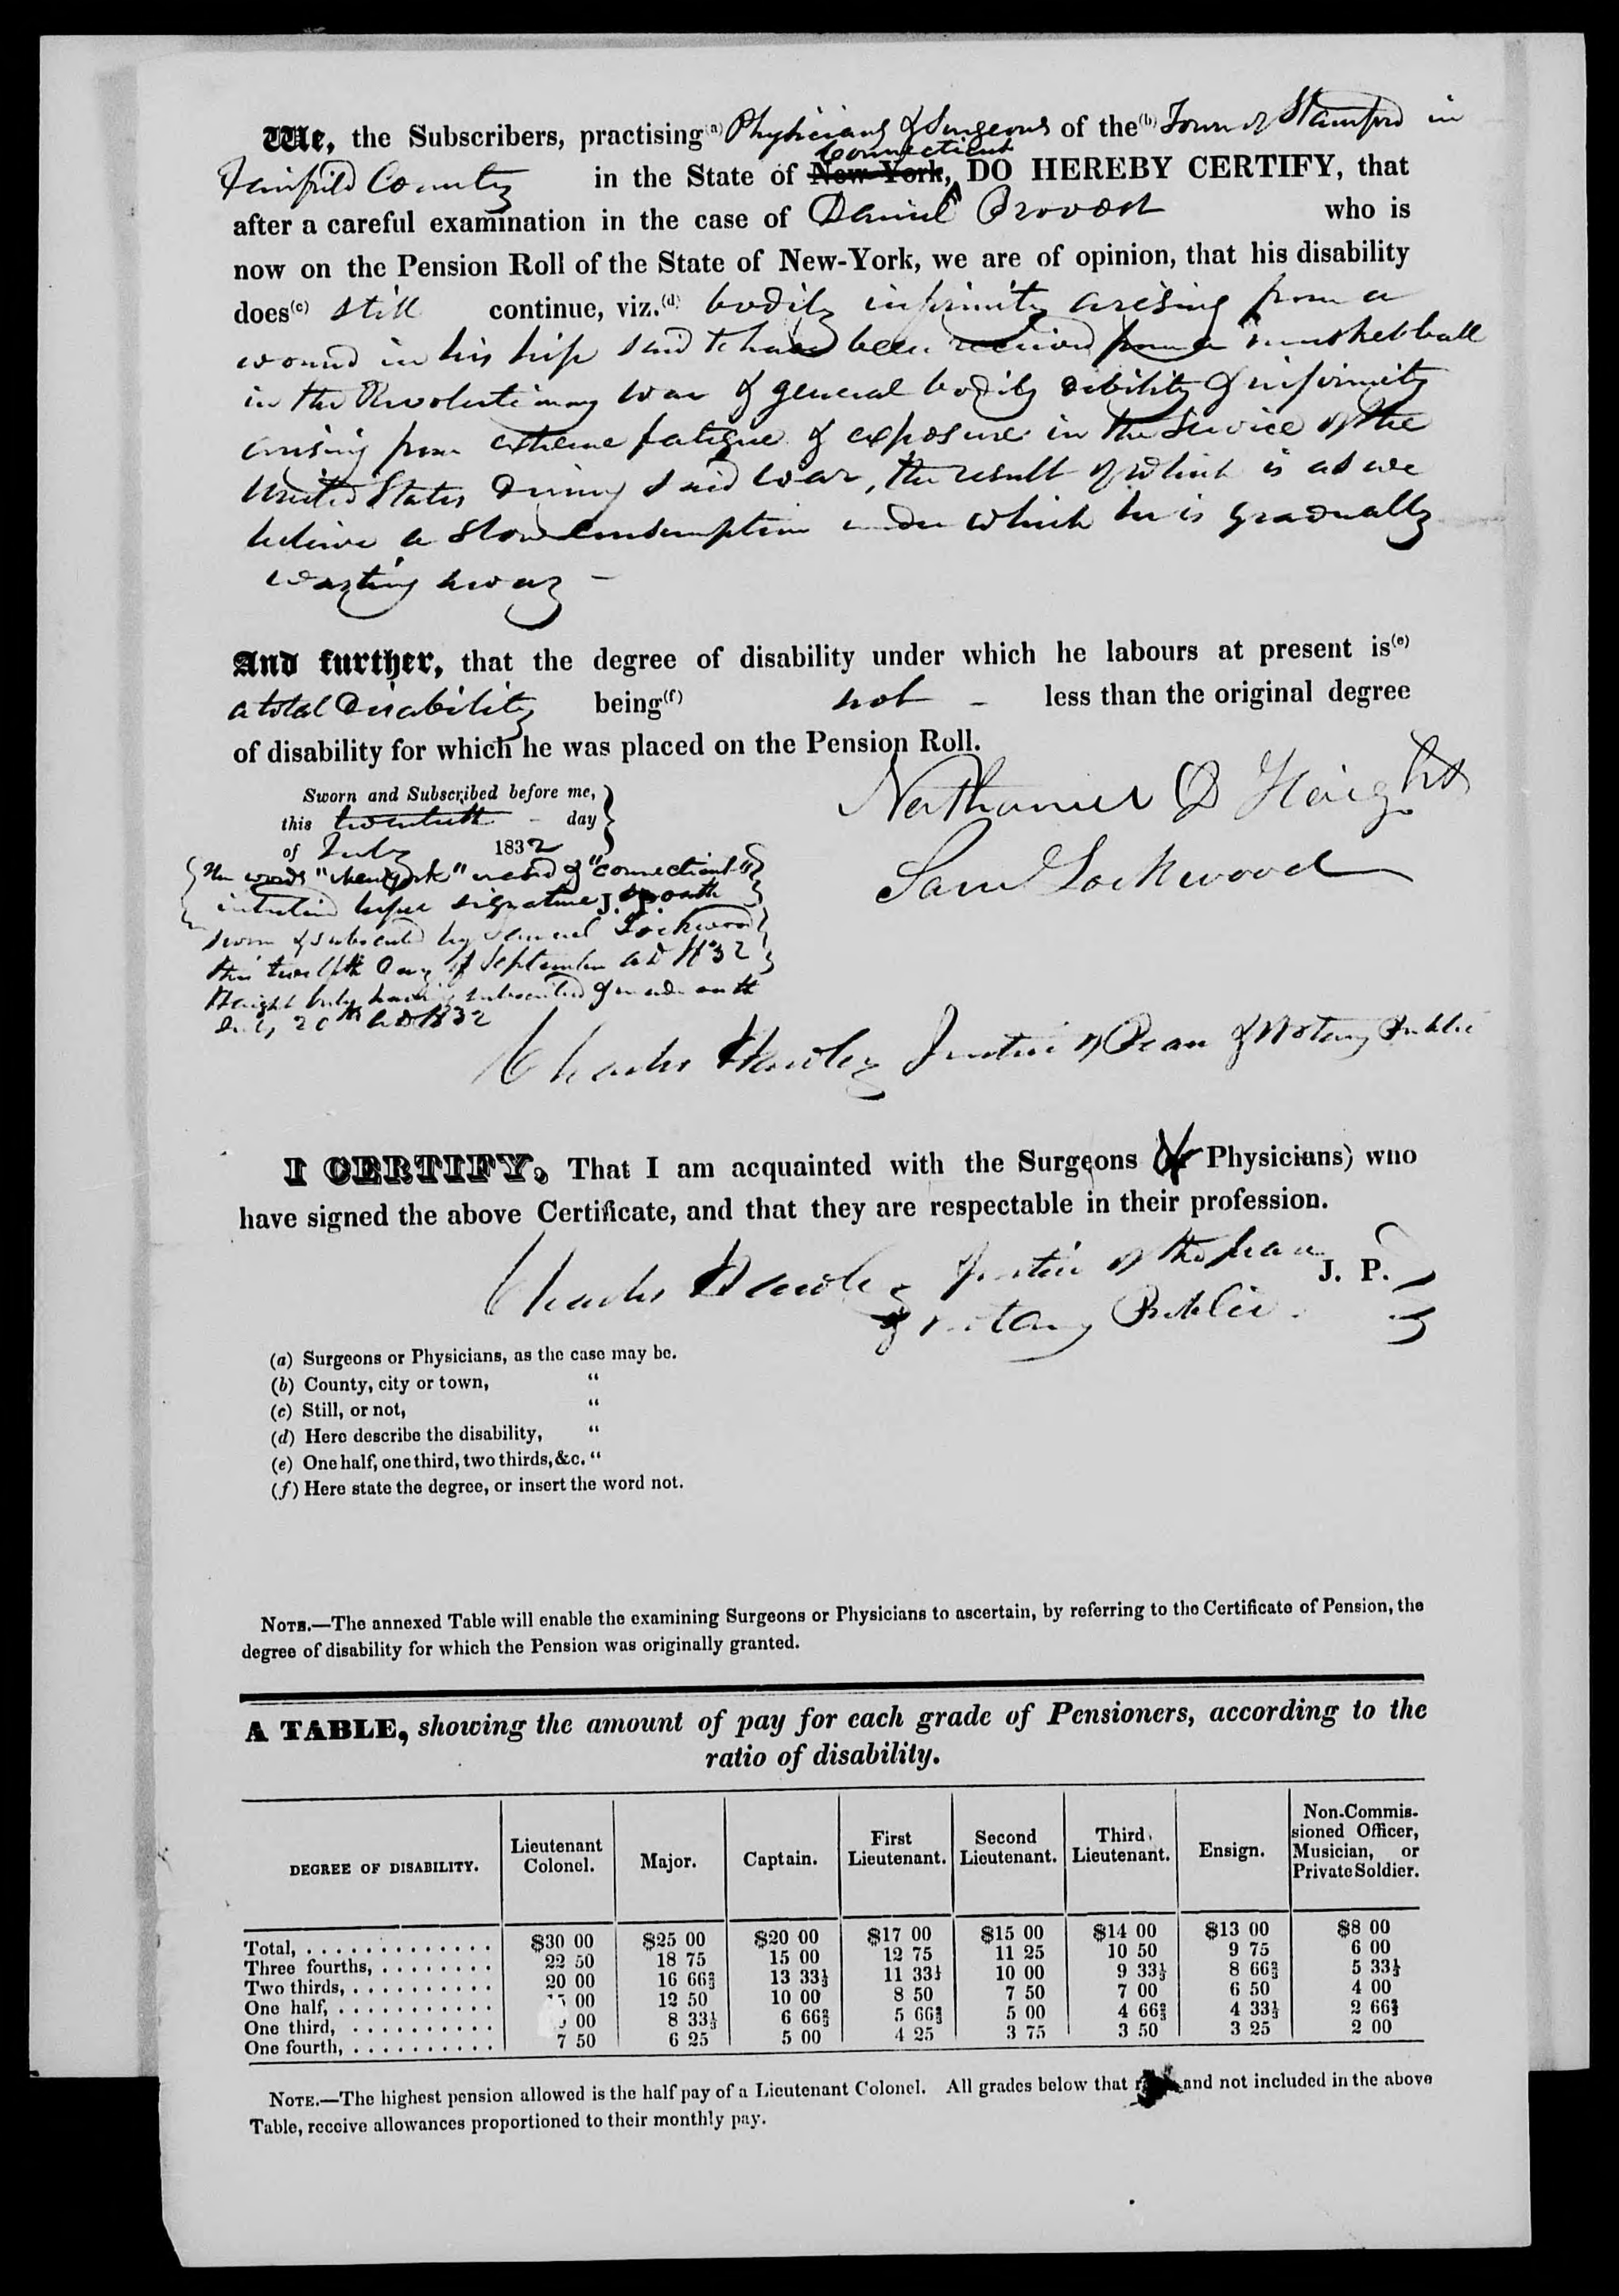We, the Subscribers, practising (a) Physicians & Surgeons of the (b) Town of Stamford in
Fairfield County in the State of Connecticut DO HEREBY CERTIFY, that
after a careful examination in the case of Daniel Provost who is
now on the Pension Roll of the State of New-York, we are of opinion, that his disability
does (c) still continue, viz. (d) bodily infirmity arising from a
wound in his hip said to have been received from a musket ball
in the Revolutionary war & general bodily debility & infirmity
rising from whence fatigue & exposure in the service of the
United States during said war, the result of which is as we
believe a Slow Consumption under which he is gradually
wasting away
And further, that the degree of disability under which he labours at present is (e)
a total disability being (f) not less than the original degree
of disability for which he was placed on the Pension Roll.
Nathaniel D Haight
Saml Lockwood
Sworn and subscribed before me, }
this twentieth day }
of July 1832 }
[ He [illegible] "New York" acted & "Connecticut" }
{ inscribed before signature & oath }
Sworn & subscribed by Samuel Lockwood }
this twelfth day of September 1832 }
Haight duly hath subscribed & under oath
Jul, 20th AD 1832
Charles Hawley Justice of Peace & Notary Public
I CERTIFY, That I am acquainted with the Surgeons & Physicians who
have signed the above Certificate, and that they are respectable in their profession.
Charles Hawley Justice of the peace J. P.  
& Notary Public
( a ) Surgeons or Physicians, as the case may be.
( b ) County, city or town, "
( c ) Still, or not, "
( d ) Here describe the disability, "
(e) One half, one third, two thirds, &c. "
( f ) Here state the degree, or insert the word not.
Note. - The annexed Table will enable the examining Surgeons or Physicians to ascertain, by referring to the Certificate of Pension, the
degree of disability for which the pension was originally granted.
A TABLE, showing the amount of pay for each grade of Pensioners, according to the
ratio of disability.
DEGREE OF DISABILITY. / Lieutenant Colonel. / Major. / Captain. / First Lieutenant. / Second
Lieutenant. / Third Lieutenant. / Ensign. / Non-Commissioned Officer, Musician, or Private Soldier.
Total, / $30.00 / $25.00 / $20.00 / $17.00 / $15.00 / $14.00 / $13.00 / $8.00
Three fourths, / 22.50 / 18.75 / 15.00 / 12.75 / 11.25 / 10.50 / 9.75 / 6.00
Two thirds, / 20.00 / 16.66 2/3 / 13.33 1/3 / 11.33 1/3 / 10.00 / 9.33 1/3 / 8.66 2/3 /5.33 1/3
One half / 15.00 / 12.50 / 10.00 / 8.50 / 7.50 / 7.00 / 6.50 / 4.00
One third, / 10.00 / 8.33 1/3 / 6.66 2/3 / 5.66 2/3 / 5.00 / 4.66 2/3 / 4.33 1/3 / 2.66 2/3
One fourth, / 7.50 / 6.25 / 5.00 / 4.25 / 3.75 / 3.50 / 3.25 / 2.00
NOTE. -- The highest pension allowed is the half pay of a Lieutenant Colonel. All grades below that rate and not incluced in the above
Table, receive allowances proportioned to their monthly pay.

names: Saml Lockwood; Charles Hawley; Nathaniel D Haight; Daniel Provost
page: 15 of 24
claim: survivor's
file: S. 20,926, for Daniel Provost, Connecticut